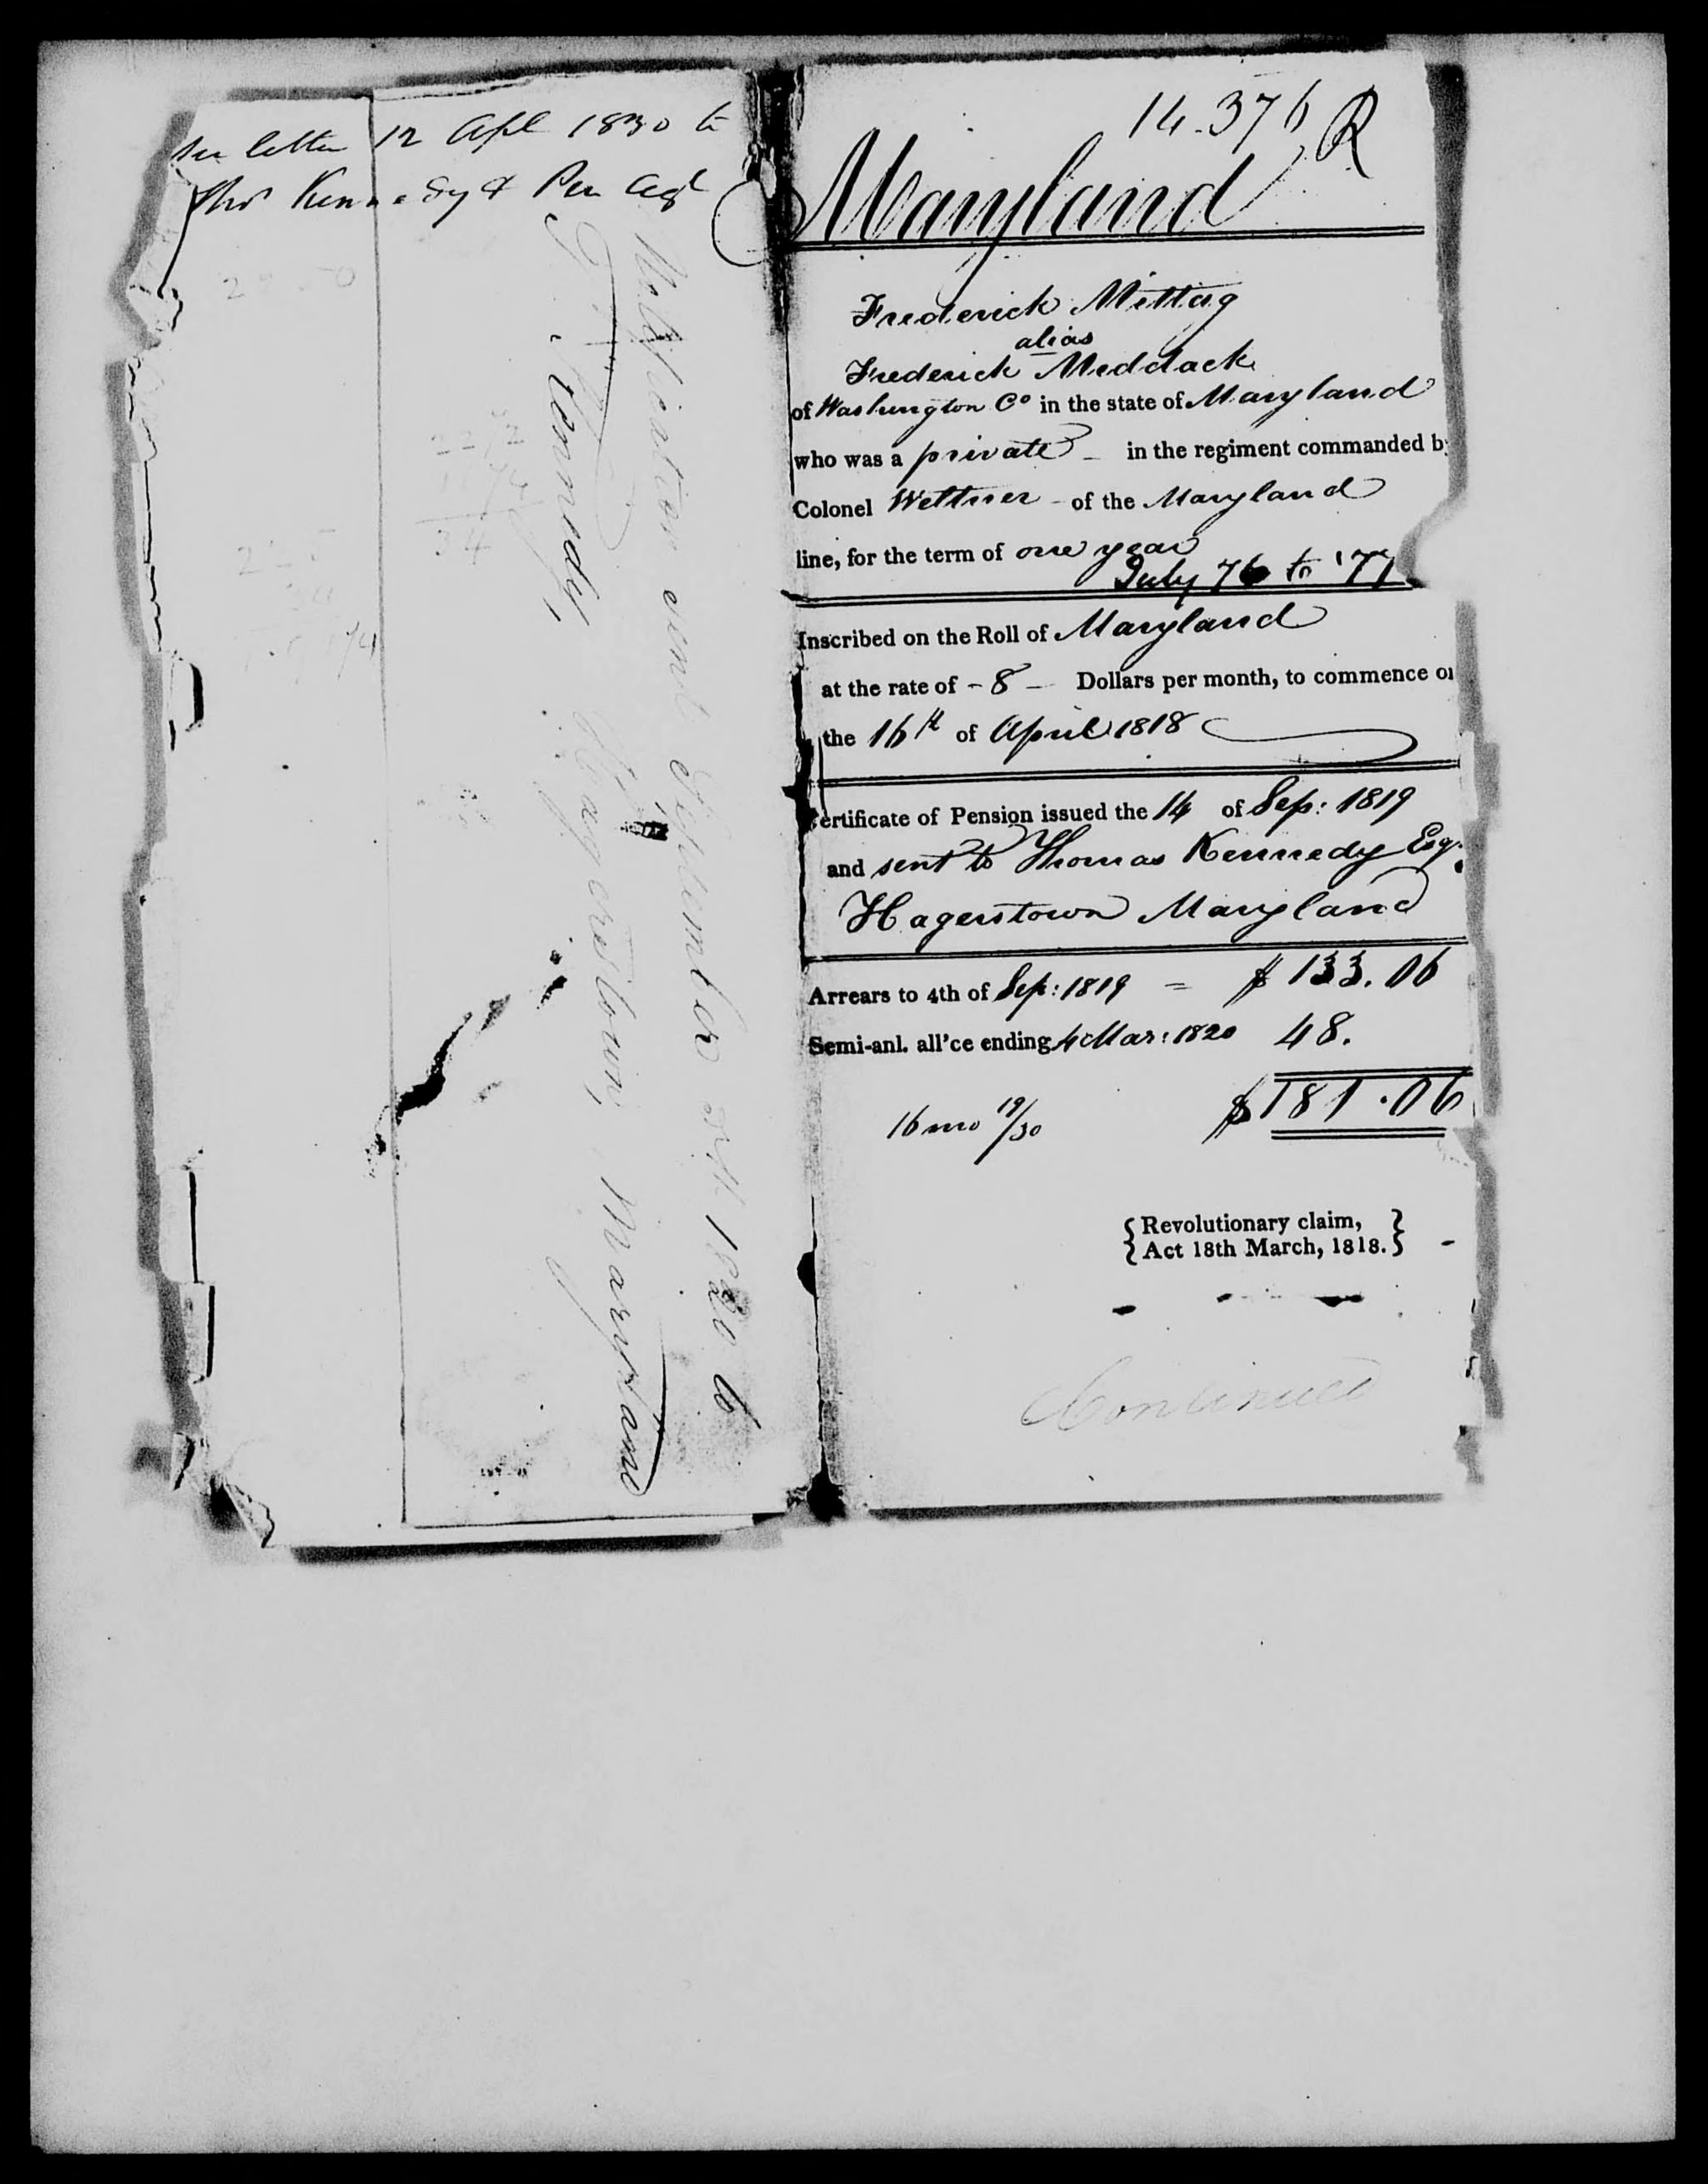[illegible] letter 12 Apl [April] 1830 to
the Kennedy & Per Eq

Notification sent September 24th 1820 to
Kennedy, Hagerstown, Maryland

14 376 R
Maryland

Frederick Mittag
alias
Frederick Meddack
of Washington Co in the state of Maryland
who was a private in the regiment commanded by
Colonel Wettner of the Maryland
line, for the term of one year

July 76 to '77

Inscribed on the Roll of Maryland
at the rate of 8 Dollars per month, to commence on
the 16th of April 1818

Certificate of Pension issued the 14 of Sep. 1819
and sent to Thomas Kennedy Esq
Hagerstown Maryland

Arrears to 4th of Sep. 1819 = $133.06
Semi-anl/ all'ce ending 4 Mar. 1820 48.
16 mo 19/30
$181.06

{Revolutionary claim, Act 18th March, 1818.} [stamped]

Continued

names: [BLANK] Wittner; Frederick Mittag; Thomas Kennedy; Frederick Meddack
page: 2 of 13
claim: survivor's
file: S. 34999, for Frederick Mittag, Maryland